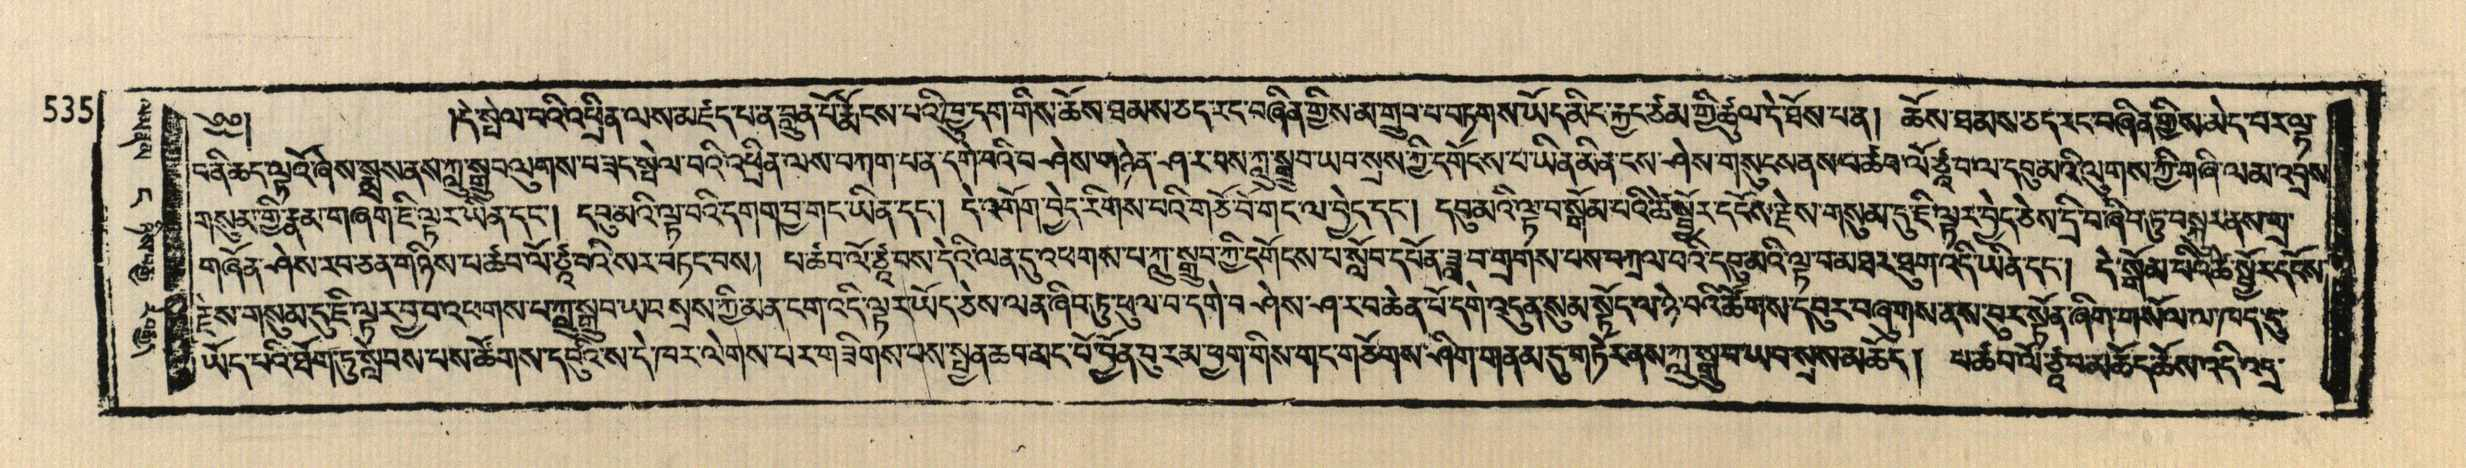༄༅། །དེ་སྤེལ་བའི་འཕྲིན་ལས་མཛད་པ་ན་བླུན་པོ་རྨོངས་པའི་ཁྱུ་དག་གིས་ཆོས་ཐམས་ཅད་རང་བཞིན་གྱིས་མ་གྲུབ་པ་བཏགས་ཡོད་མིང་རྐྱང་ཙམ་གྱི་ཚུལ་དེ་ཐོས་པ་ན། ཆོས་ཐམས་ཅད་རང་བཞིན་གྱིས་མེད་བར་ལྟ་
བ་ནི་ཆད་ལྟའོ་ཞེས་སྨྲས་ནས་ཀླུ་སྒྲུབ་ལུགས་བཟང་སྤེལ་བའི་འཕྲིན་ལས་བཀག་པ་ན་དགེ་བའི་བཤེས་གཉེན་ཤར་བས་ཀླུ་སྒྲུབ་ཡབ་སྲས་ཀྱི་དགོངས་པ་ཡིན་མིན་ང་ཤེས་གསུངས་ནས་བ་ཚབ་ལོ་ཙཱ་བ་ལ་དབུ་མའི་ལུགས་ཀྱི་གཞི་ལམ་འབྲས་
གསུམ་གྱི་རྣམ་གཞག་ཇི་ལྟར་ཡིན་དང་། དབུ་མའི་ལྟ་བའི་དགག་བྱ་གང་ཡིན་དང་། དེ་འགོག་བྱེད་རིགས་པའི་གཙོ་བོ་གང་ལ་བྱེད་དང་། དབུ་མའི་ལྟ་བ་སྒོམ་པའི་ཚེ་སྦྱོར་དངོས་རྗེས་གསུམ་དུ་ཇི་ལྟར་བྱེད་ཅེས་དྲི་བ་ཞིབ་ཏུ་བསྐུར་ནས་གྲ་
གཞོན་ཤེས་རབ་ཅན་གཉིས་པ་ཚབ་ལོ་ཙཱ་བའི་སར་བཏང་བས། པ་ཚབ་ལོ་ཙཱ་བས་དེའི་ལན་དུ་འཕགས་པ་ཀླུ་སྒྲུབ་ཀྱི་དགོངས་པ་སློབ་དཔོན་ཟླ་བ་གྲགས་པས་བཀྲལ་བའི་དབུ་མའི་ལྟ་བ་མཐའ་ཐུག་འདི་ཡིན་དང་། དེ་སྒོམ་པའི་ཚེ་སྦྱོར་དངོས་
རྗེས་གསུམ་དུ་ཇི་ལྟར་བྱ་བ་འཕགས་པ་ཀླུ་སྒྲུབ་ཡབ་སྲས་ཀྱི་མན་ངག་འདི་ལྟར་ཡོད་ཅེས་ལན་ཞིབ་ཏུ་ཕུལ་བ་དགེ་བཤེས་ཤ་ར་བ་ཆེན་པོ་དགེ་འདུན་སུམ་སྟོང་ལ་ཉེ་བའི་ཚོགས་དབུར་བཞུགས་ནས་བུར་སྟོན་ཞིག་གསོལ་ལ་ཁད་དུ་
ཡོད་པའི་ཐོག་ཏུ་སླེབས་པས་ཚོགས་དབུའི་ས་དེ་ཁར་ལེགས་པར་གཟིགས་པས་སྤྱན་ཆབ་མང་པོ་བྱོན་བུ་རམ་ཕྱག་གིས་གང་གཅོགས་ཤིག་གནམ་དུ་གཏོར་ནས་ཀླུ་སྒྲུབ་ཡབ་སྲས་མཆོད། པ་ཚབ་ལོ་ཙཱ་བ་མཆོད་ཆོས་འདི་འདྲ་